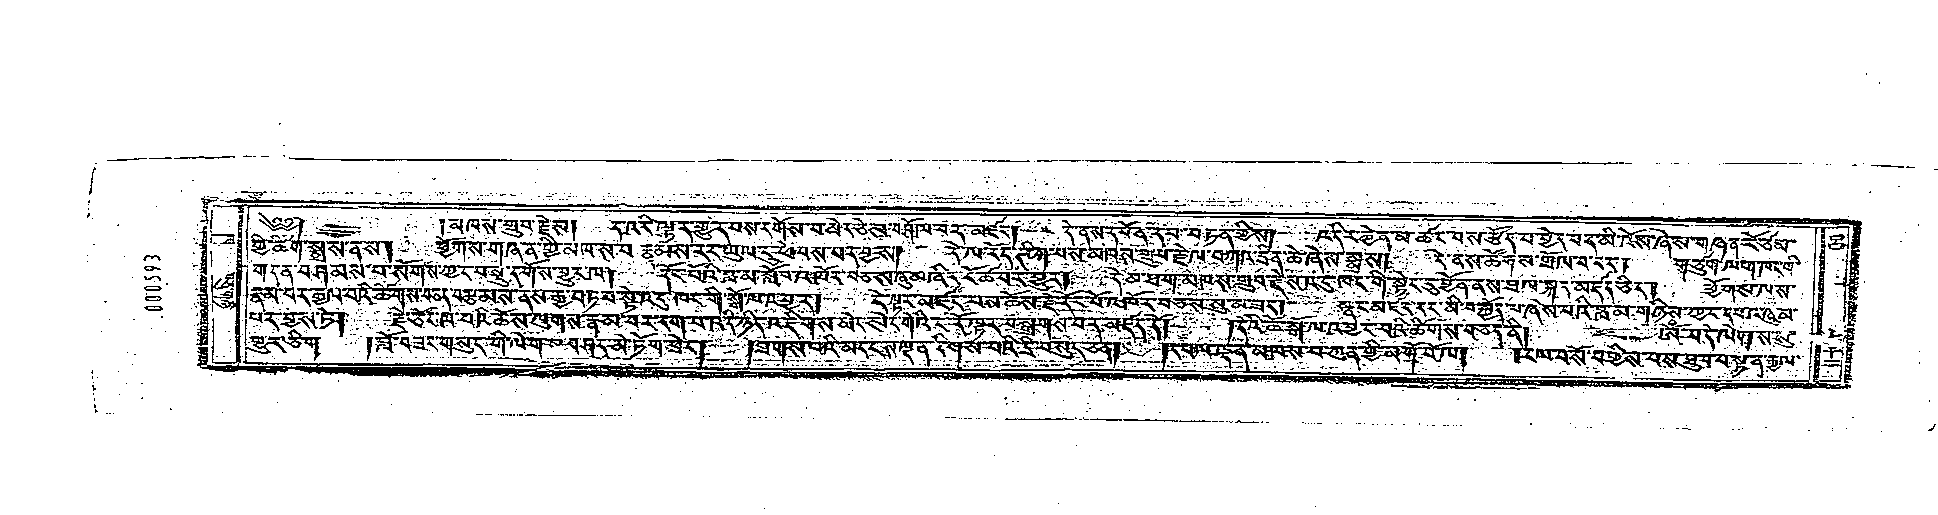༄༅། །མཁས་གྲུབ་རྗེས། ད་འདི་ལྟར་གྱུར་བས་དགོས་བ་མེད་ཅེས་བཤོལ་བར་མཛད། དེ་ནས་དཔོན་རབ་བརྟན་གྱིས། འདིར་རྐྱེན་མ་ཚང་བས་རྩོད་པ་བྱེད་བར་མི་འོས་ཞེས་གཞན་རོ་ཙམ་
གྱི་ཚིག་སྨྲས་ནས། ཕྱོགས་གཞན་གྱི་མཁས་པ་རྣམས་རང་ཡུལ་དུ་ཕེབས་པར་བྱས། དེ་ལ་རོང་ཊིཀ་པས་མཁས་གྲུབ་རྗེ་ལ་བཀའ་དྲིན་ཆེ་ཞེས་སྨྲས། དེ་ནས་ཚོགས་གྲོལ་བ་དང་། གཙུག་ལག་ཁང་གི་
གདན་བཤམས་བ་སོགས་ཀྱང་བསྡུ་དགོས་བྱུང་ལ། རོང་བོའི་བླ་མ་སློབ་འཁོར་བཅས་ཞུམ་ཞིང་ངོ་ཚ་བར་གྱུར། དེ་མ་ཐག་མཁས་གྲུབ་རྗེས་འདུ་ཁང་གི་སྟེང་དུ་བྱོན་ནས་ཐལ་སྐད་མཛད་ཅིང་། ཕྱོགས་ལས་
རྣམ་བར་རྒྱལ་བའི་ཚིགས་བཅད་བརྩམས་ནས་རྒྱ་བཏབ་སྟེ་འདུ་ཁང་གི་སྒོ་ལ་འབྱར། དེ་ལྟར་མཛད་པས་ཆོས་རྗེ་རོང་པོ་འཁོར་བཅས་སུ་མ་ཟད། སྣང་མཛད་དད་མི་བསྐྱོད་པ་ཞེས་པའི་བླ་མ་གཉིས་ཀྱང་དཔའ་ཞུམ་
པར་བྱས་ཏེ། རྗེ་ཙོང་ཁ་པའི་ཆོས་ལུགས་རྣམས་པར་ངག་པ་འདི་ཉིད་འཇིགས་མེད་སེང་གེའི་ང་པོ་ལྟར་བསྒྲགས་པར་མཛད་དོ། །དེའི་ཚེ་སྒོ་ལ་འབྱད་བའི་ཚིགས་བཅད་ནི། ཨོཾ་བདེ་ལེགས་སུ་
གྱུར་ཅིག །བློ་བཟང་གསུང་གི་ལེགས་བཤད་མེ་ཏོག་ཕྲེང་། །གྲགས་པའི་མདངས་ལྡན་རིགས་པའི་དྲི་བསུང་ཅན། །དཔལ་ལྡན་མཁས་བ་ཀུན་གྱི་མགོ་བོ་ལ། །ངལ་བསོ་བགྱིས་པས་ཐུབ་བསྟན་རྒྱལ་